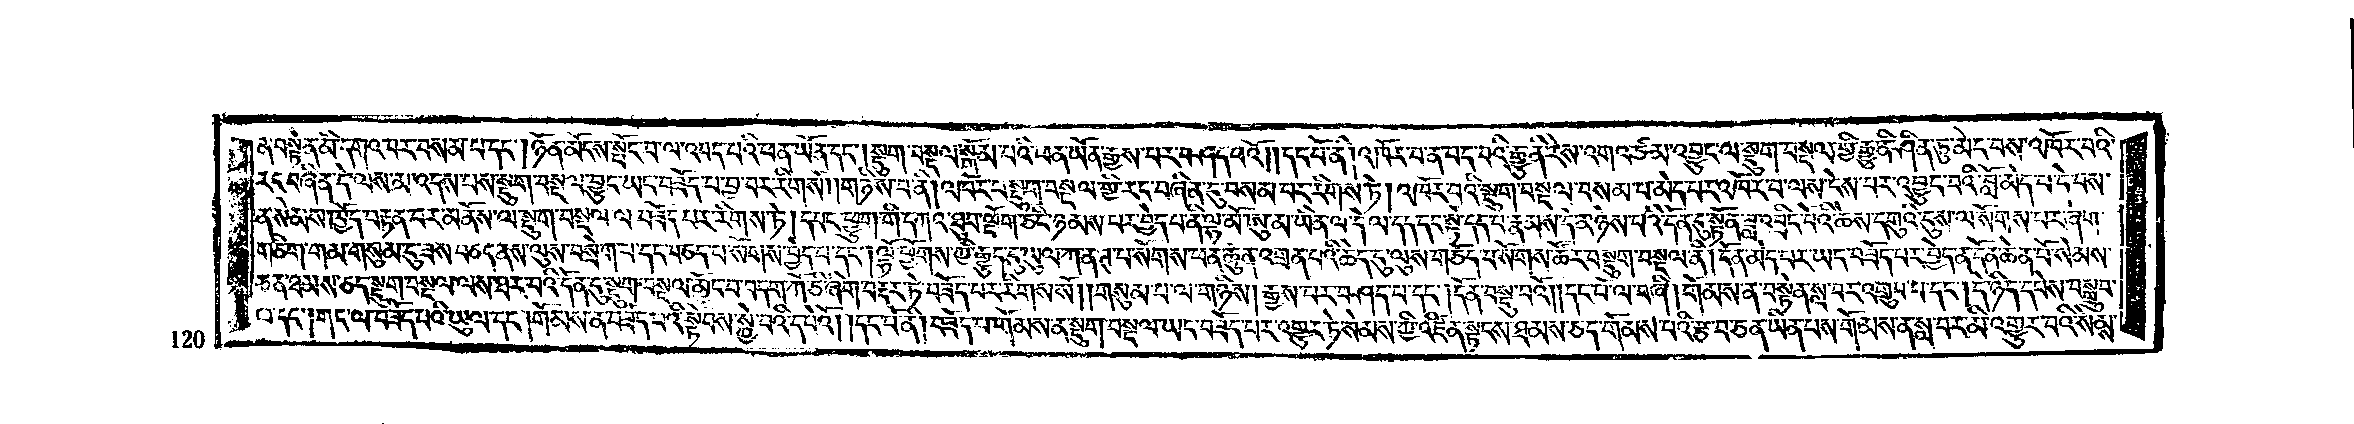ན་བསྟེན་མི་དགའ་བར་བསམ་པ་དང་། ཉོན་མོངས་སྤོང་བ་ལ་འབད་པའི་ཕན་ཡོན་དང་། སྡུག་བསྔལ་སྒོམ་པའི་ཕན་ཡོན་རྒྱས་པར་བསཧད་པའོ། །དང་པོ་ནི། འཁོར་བ་ན་བདེ་བའི་རྒྱུ་ནི་རེས་འགའ་ཙམ་འབྱུང་ལ་སྡུག་བསྔལ་གྱི་རྒྱུ་ནི་ཤིན་ཏུ་མེད་པས་འཁོར་བའི་
རང་བཞིན་དེ་ལས་མ་འདས་པས་སྡུག་བསྔལ་བྱུནམག་ཡང་བཟོད་པ་བྱ་བར་རིགས་སོ། །གཉིས་པ་ནི། འཁོར་བ་སྡུག་བསྔལ་གྱི་རང་བཞིན་དུ་བསམ་པར་རིགས་ཏེ། འཁོར་བའི་སྡུག་བསྔལ་བསམ་པ་མེད་པར་འཁྲོ་བ་ལས་ངེས་པར་འབྱུང་བའི་བློ་མེད་པ་དེ་བསད་
ན་སེམས་ཁྱོད་བརྟན་པར་མ་ནོས་ལ་སྡུག་བསྔལ་ལ་བཟོད་པར་རིགས་ཏེ། དབང་ཕྱུག་གི་དཀའ་ཐུབ་ལྡོག་ཅིང་ཉམས་པར་བྱེད་པ་ནི་ལྷ་མོ་ཨུ་མ་ཡིན་ལ་དེ་ལ་དད་དང་སྟེ་དད་པ་རྣམས་དེ་མ་ཉེས་པའི་དོན་དུ་སྟོན་ཟླ་འབྲིང་བའི་ཚེས་དགུའི་དུས་ལ་སོགས་པར་ཞག་
གཅིག་གམ་གསུམ་དུ་ཟས་བཅད་ནས་ལུས་བསྲེག་པ་དང་བཅད་པ་སྒོས་བྱེད་པ་དང་། ལྷོ་ཕྱོགས་ཀྱི་རྒྱུད་དུ་ཡུལ་ཀ་ན་ཊ་པ་སོགས་ཕན་ཚུན་འགྲེན་པའི་ཆེད་དུ་ལུས་བཅོད་པ་སོགས་ཚོར་བ་སྡུག་བསྔལ་ནི། དོན་མེད་པར་ཡང་བཟོད་པར་བྱེད་ན་དོན་ཆེན་པོ་སེམས་
ཅན་ཐམས་ཅད་སྡུག་བསྔལ་ལས་ཐར་པའི་དོན་དུ་སྡུག་བསྔལ་ལ་མྱོང་བ་བདག་ཁོ་ཅི་ཞིག་བརྡར་ཏེ་བཞོད་པར་རིགས་སོ། །གསུམ་པ་ལ་གཉིས། རྒྱས་པར་བཤད་པ་དང་། དོན་བསྡུ་བའོ། །དང་པོ་ལ་བཞི། གོམས་ན་བསྟེན་སླ་བར་འགྲུབ་པ་དང་། དེ་ཉིད་དཔེས་བསྒྲུབ་
པ་དང་། གང་ལ་བཟོད་པའི་ཡུལ་དང་། གོམས་ན་བཟོད་པའི་སྟོབས་སྐྱེ་བའི་དཔེའོ། །དང་པོ་ནི། བཟོད་པ་གོམས་ན་སྡུག་བསྔལ་ཡང་བཞོད་པར་འགྱུར་ཏེ་སེམས་ཀྱི་འདིཟན་སྟངས་ཐམས་ཅད་གོམས་པའི་རྩ་བ་ཅན་ཡིན་པས་གོམས་ན་སླ་བར་མི་འགྱྲུ་བའི་སེམས་